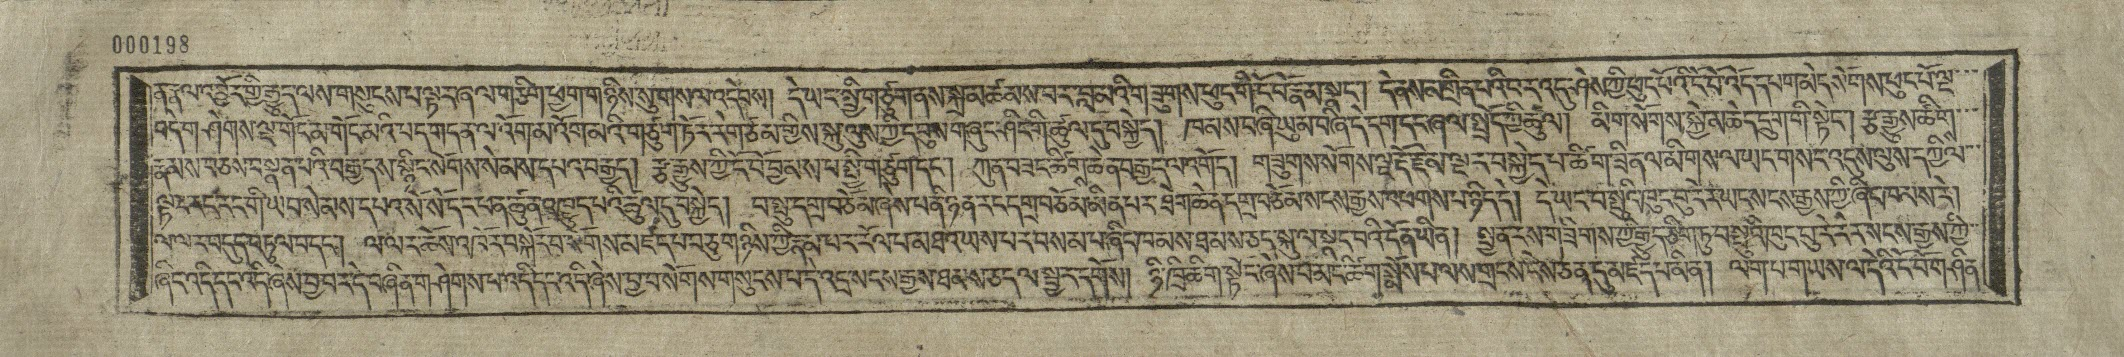ན་རྣལ་འབྱོར་གྱི་རྒྱུད་ལས་གསུངས་པ་ལྟར་ཞལ་གཅིག་ཕྱག་གཉིས་སུ་གསལ་འདེབས། དེ་ཡང་སྤྱི་གཙུག་ནས་སྐྲ་མཚམས་པར་བླ་མའི་གཟུགས་ཕུང་གི་ངོ་བོ་རྣམ་སྣང་། དེ་ནས་མགྲིན་པའི་བར་འདུ་ཤེས་ཀྱི་ཕུང་པོའི་ངོ་བོ་འོད་དཔག་མེད་སོགས་ཕུང་པོ་ལྔ་
བདེ་གཤེགས་ལྔ་གོང་མ་གོང་མའི་པད་གདན་ལ་འོག་མ་འོག་མའི་གཙུག་ཏོར་རེག་ཙམ་གྱིས་སྐུ་ལུས་ཀྱི་དབུས་གཞུང་ཤིང་གི་ཚུལ་དུ་བསྐྱེད། ཁམས་བཞི་ཡུམ་བཞི་དེ་དག་དང་ཞལ་སྤྲོད་ཀྱི་ཚུལ། མིག་སོགས་སྐྱེ་མཆེད་དྲུག་གི་སྟེང་། རྩ་རྒྱུས་ཚིགས་
རྣམས་བཅས་བསྣན་པའི་བརྒྱད་ས་སྙིང་སོགས་སེམས་དཔའ་བརྒྱད། རྩ་རྒྱུས་ཀྱི་ངོ་བོ་བྱམས་པ་སྤྱི་གཙུག་དང་། ཀུན་བཟང་ཚིགས་ཆེན་བརྒྱད་ལ་འགོད། གཟུགས་སོགས་ལྔ་རྡོ་རྗེ་མ་ལྔར་བསྐྱེད་པ་ཚིག་ཟིན་ལ་མི་གསལ་ཡང་གསང་འདུས་ལུས་དཀྱིལ་
ལྟར་རང་རང་གི་ཡབ་སེམས་དཔའ་སོ་སོ་དང་ཕན་ཚུན་འཁྱུད་པའི་ཚུལ་དུ་བསྐྱེད། བ་སྤུ་དགྲ་བཅོམ་ཞེས་པ་ནི་ཉན་རང་དགྲ་བཅོམ་མིན་པར་ཐེག་ཆེན་དགྲ་བཅོམ་སངས་རྒྱས་འཕགས་པ་ཉིད་དེ། དེ་ཡང་བ་སྤུའི་ཁུང་བུ་རེར་ཡང་སངས་རྒྱས་ཀྱི་ཞིང་ཁམས་རེ།
ལ་ལར་བདུད་བཏུལ་བ་དང་། ལ་ལར་ཆོས་འཁོར་བསྐོར་བ་སོགས་མཛད་པ་བཅུ་གཉིས་ཀྱི་རྣམ་པར་རོལ་པ་མཐའ་ཡས་པར་བསམ་པ་ཞིང་ཁམས་ཐམས་ཅད་སྐུ་ལ་སྣང་བའི་དོན་ཡིན། སྤྱན་རས་གཟིགས་ཀྱི་རྒྱུད་ཅིག་ཏུ་བ་སྤུའི་ཁུང་བུ་རེ་རེར་སངས་རྒྱས་ཀྱི་
ཞིང་འདི་དང་འདི་ཞེས་བྱ་བར་དེ་བཞིན་གཤེགས་པ་འདི་དང་འདི་ཞེས་བྱ་བ་སོགས་གསུངས་པ་དེ་འདྲ་སངས་རྒྱས་ཐམས་ཅད་ལ་སྦྱར་དགོས། ཉི་ཁྲི་ཚིག་སྟོང་ཞེས་པ་མང་ཚིག་སྨོས་པ་ལས་གྲངས་ངེས་ཅན་དུ་མཛད་པ་མིན། ལག་པ་གཡས་ལ་དེའི་ངོ་བོ་གཤིན་